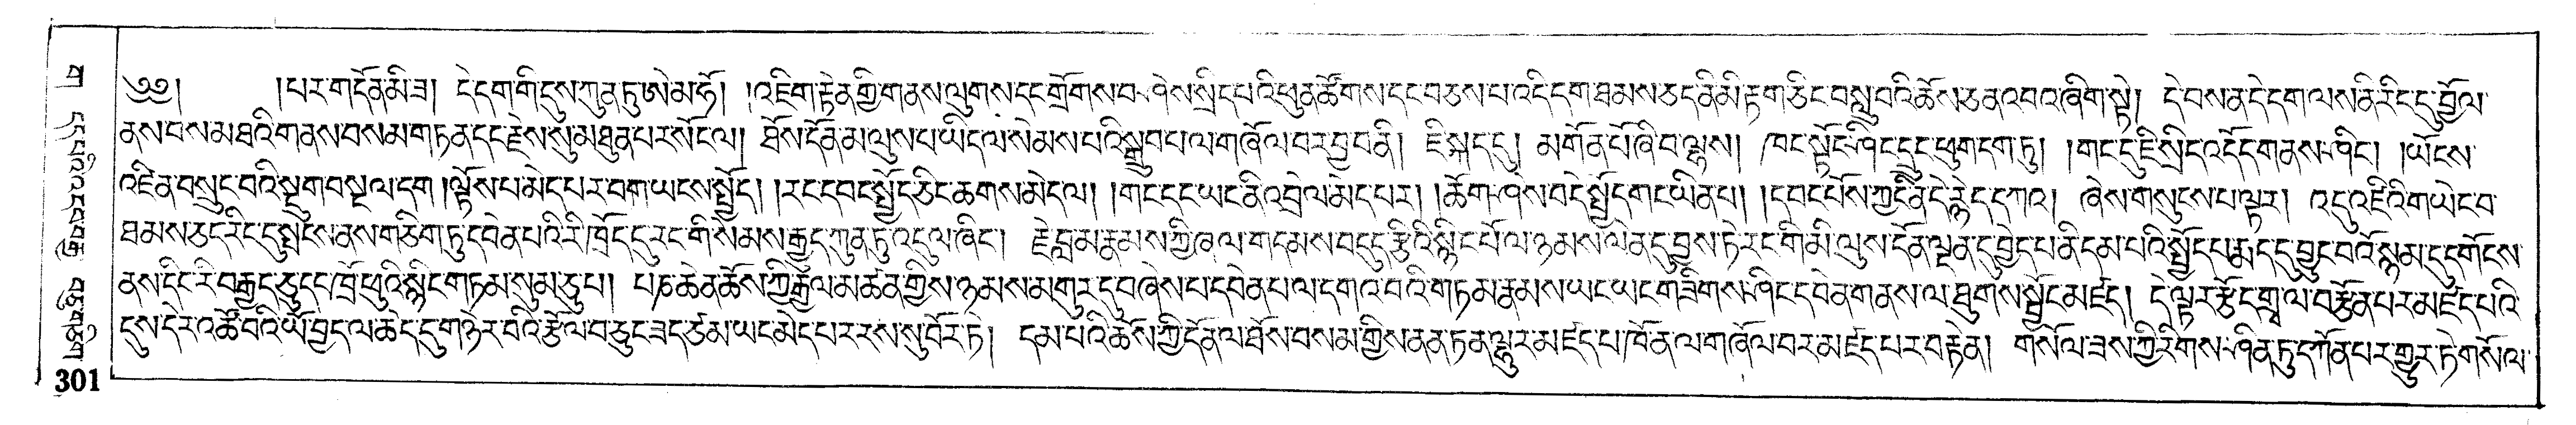༄༅། །པར་གདོན་མི་ཟ། དེ་དག་གི་དུས་ཀུན་ཏུ་ཨེ་མ་ཧོ། །འཇིག་རྟེན་གྱི་གནས་ལུགས་དང་གྲོགས་བཤེས་སྲིད་པའི་ཕུན་ཚོགས་དང་བཅས་པ་འདི་དག་ཐམས་ཅད་ནི་མི་རྟག་ཅིང་བསླུ་བའི་ཆོས་ཅན་འབའ་ཞིག་སྟེ། དེ་བས་ན་དེ་དག་ལས་ནི་རིང་དུ་བྱོལ་
ནས་བས་མཐའི་གནས་བསམ་གཏན་དང་རྗེས་སུ་མཐུན་པར་སོང་ལ། ཐོས་དོན་མ་ལུས་པ་ཡིད་ལ་སེམས་པའི་སྒྲུབ་པ་ལ་གཞོལ་བར་བྱ་བ་ནི། ཇི་སྐད་དུ། མགོན་པོ་ཞི་བ་ལྷས། ཁང་སྟོང་ཤིང་དྲུང་ཕུག་དག་ཏུ། །གང་དུ་ཇི་སྲིད་འདོད་གནས་ཤིང་། །ཡོངས་
འཛིན་བསྲུང་བའི་སྡུག་བསྔལ་དག །ལྟོས་པ་མེད་པར་བག་ཡངས་སྤྱོད། །རང་དབང་སྤྱོད་ཅིང་ཆགས་མེད་ལ། །གང་དང་ཡང་ནི་འབྲེལ་མེད་པར། །ཆོག་ཤེས་བདེ་སྤྱོད་གང་ཡིན་པ། །དབང་པོས་ཀྱང་ནི་དེ་རྙེད་དཀའ། ཞེས་གསུངས་པ་ལྟར། འདུ་འཛིའི་གཡེང་བ་
ཐམས་ཅད་རིང་དུ་སྤངས་ནས་གཅིག་ཏུ་དབེན་པའི་རི་ཁྲོད་དུ་རང་གི་སེམས་རྒྱུད་ཀུན་ཏུ་འདུལ་ཞིང་། རྗེ་བླ་མ་རྣམས་ཀྱི་ཞལ་གདམས་བདུད་རྩིའི་སྙིང་པོ་ལ་ཉམས་ལེན་དུ་བྱས་ཏེ་རང་གི་མི་ལུས་དོན་ལྡན་དུ་བྱེད་པ་ནི་དམ་པའི་སྤྱོད་པ་རྨད་དུ་བྱུང་བའོ་སྙམ་དུ་དགོངས་
ནས་དིང་རི་བརྒྱད་ཅུ་དང་ཁྲོ་ཕུའི་སྙིང་གཏམ་སུམ་ཅུ་པ། པཎ་ཆེན་ཆོས་ཀྱི་རྒྱལ་མཚན་གྱིས་ཉམས་མགུར་དུ་བཞེས་པ་དབེན་པ་ལ་དགའ་བའི་གཏམ་རྣམས་ཡང་ཡང་གཟིགས་ཤིང་དབེན་གནས་ལ་ཐུགས་སྦྱོང་མཛད། དེ་ལྟར་རྩོད་གྲྭ་ལ་བརྩོན་པར་མཛད་པའི་
དུས་དེར་འཚོ་བའི་ཡོ་བྱད་ལ་ཆེད་དུ་གཉེར་བའི་རྩོལ་བ་ཅུང་ཟད་ཙམ་ཡང་མེད་པར་རས་སུ་བོར་ཏེ། དམ་པའི་ཆོས་ཀྱི་དོན་ལ་ཐོས་བསམ་གྱིས་ནན་ཏན་ལྷུར་མཛད་པ་ཁོ་ན་ལ་གཞོལ་བར་མཛད་པར་བརྟེན། གསོལ་ཟས་ཀྱི་རིགས་ཤིན་ཏུ་དཀོན་པར་གྱུར་ཏེ་གསོལ་